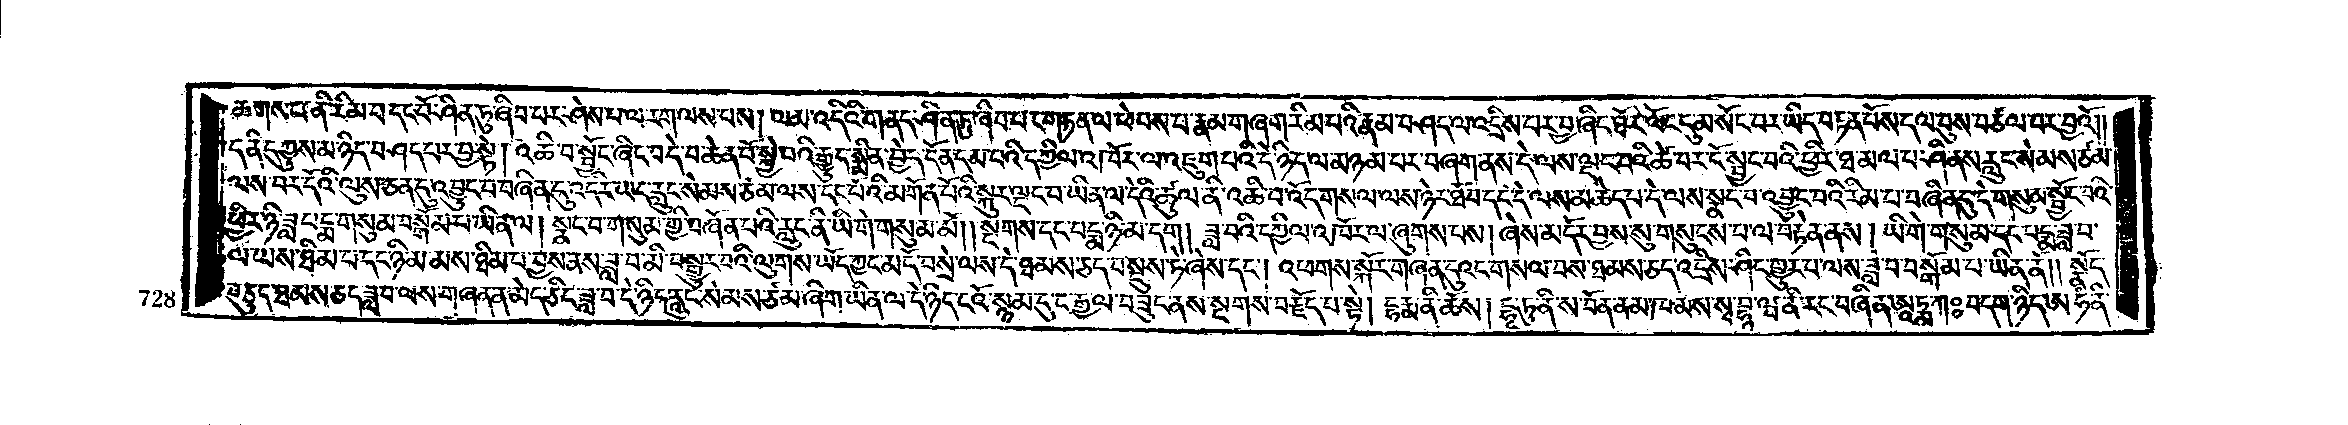ཆགས་པ་ནི་རིམ་པ་དང་པོ་ཤིན་ཏུ་ཞིབ་པར་ཤེས་པ་ལ་རག་ལས་པས། ལམ་འདིའི་གནད་ཤིན་ཏུ་ཞིབ་པར་གཏན་ལ་ཕེབས་པ་རྣམ་གཞག་རིམ་པའི་རྣམ་བཤད་ལ་འདྲིས་པར་བྱ་ཞིང་ཐོ་རེ་ལོང་དུ་མ་སོང་བར་ཡིད་བརྟན་པོས་དལ་བུས་བཙལ་བར་བྱའོ། །
ད་ནི་དཀྱུས་མ་ཉིད་བཤད་པར་བྱ་སྟེ། འཆི་བ་སྦྱོང་ཞིང་བདེ་བ་ཆེན་པོ་སྐྱེ་བའི་རྒྱུད་སྨིན་བྱེད་དོན་དམ་པའི་དཀྱིལ་འཁོར་ལ་འཇུག་པའི་དེ་ཉིད་ལ་མཉམ་པར་བཞག་ནས་དེ་ལས་ལྡང་བའི་ཚེ་བར་དོ་སྦྱང་བའི་ཕྱིར་ཐ་མལ་པ་ཤི་ནས་རླུང་སེམས་ཙམ་
ལས་བར་དོའི་ལུས་ཅན་དུ་འབྱུང་བ་བཞིན་དུ་འདིར་ཡང་རླུང་སེམས་ཙམ་ལས་དང་པོའི་མགོན་པོའི་སྐུར་ལྡང་བ་ཡིན་ལ་དེའི་ཚུལ་ནི་འཆི་བ་འོད་གསལ་ལས་ཉེར་ཐོབ་དང་དེ་ལས་མཆེད་པ་དེ་ལས་སྣང་བ་འབྱུང་བའི་རིམ་པ་བཞིན་དུ་དེ་གསུམ་སྦྱོང་བའི་
ཕྱིར་ཉི་ཟླ་པདམ་གསུམ་བསྒོམ་པ་ཡིན་ལ། སྣང་བ་གསུམ་གྱི་བཞོན་པའི་རླུང་ནི་ཡི་གེ་གསུམ་མོ། །སྔགས་དང་པདམ་ཉི་མ་དག །ཟླ་བའི་དཀྱིལ་འཁོར་ལ་ཞུགས་པས། ཞེས་མདོར་བྱས་སུ་གསུངས་པ་ལ་བརྟེན་ནས། ཡི་གེ་གསུམ་དང་པདམ་ཟླ་བ་
ལ་ཡས་ཐིམ་པ་དང་ཉི་མ་མས་ཐིམ་པ་བྱས་ནས་ཟླ་བ་མི་བསྒྱུར་བའི་ལུགས་ཡོད་ཀྱང་མདོ་བསྲེ་ལས་དེ་ཐམས་ཅད་བསྡུས་ཏེ་ཞེས་དང་། འཕགས་སྐོར་གཞན་དུའང་གསལ་བས་ཐམས་ཅད་འདྲེས་ཤིང་གྱུར་པ་ལས་ཟླ་བ་བསྒོམ་པ་ཡིན་ནོ། །སྣོད་
བཅུད་ཐམས་ཅད་ཟླ་བ་ལས་གཞན་ན་མེད་ཅིང་ཟླ་བ་དེ་ཉིད་རླུང་སེམས་ཙམ་ཞིག་ཡིན་ལ་དེ་ཉིད་ངའོ་སྙམ་དུ་ང་རྒྱལ་བཟུང་ནས་སྔགས་བརྗོད་པ་སྟེ། དྷརྨ་ནི་ཆོས། དྷཱ་ཏུ་ནི་ས་བོན་ནམ་ཁམས་སྭ་བྷཱ་ཝ་ནི་རང་བཞིན་ཨཱཏྨཀཿ བདག་ཉིད་ཨ་ཧ་ནི་